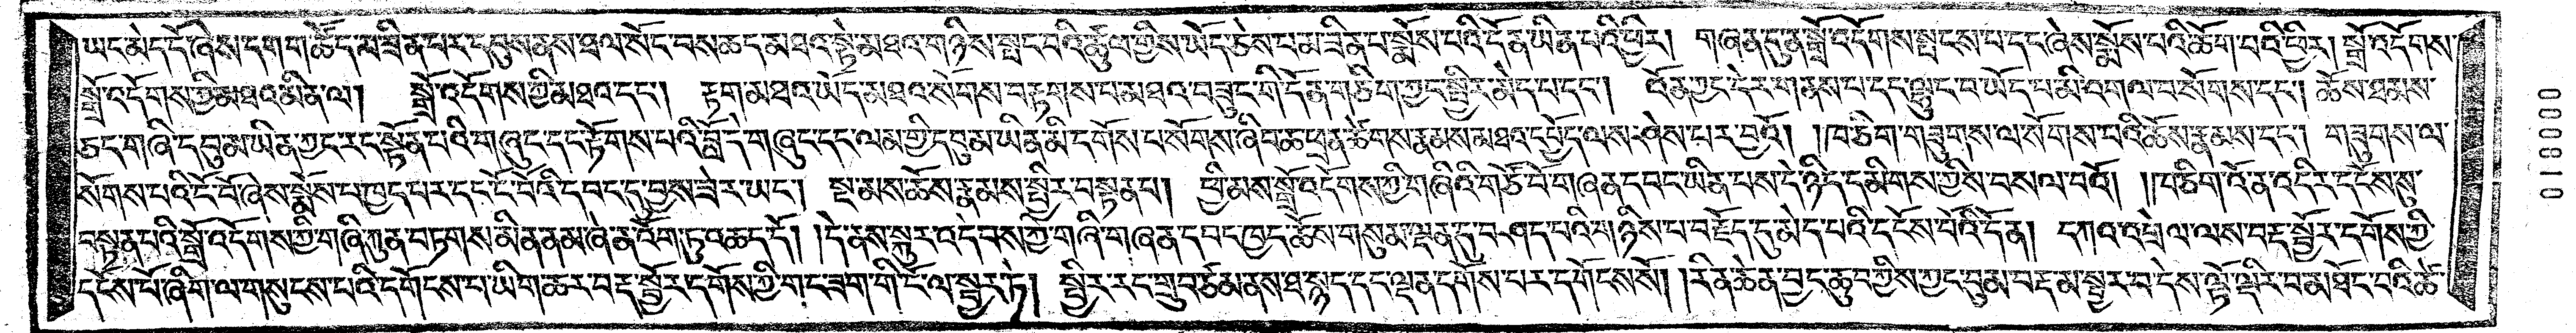ཡང་མེད་དོ་ཞེས་དགག་ཚོད་མ་ཟིན་པར་དབུས་ནས་ཐལ་སོང་བས་ཆད་མཐའ་སྟེ་མཐའ་གཉིས་སྤང་བའི་ཚུལ་གྱིས་ཡོད་ཅེས་པ་མ་ཟིན་པ་སྨོས་པའི་དོན་ཡིན་པའི་ཕྱིར། གཞན་དུ་ན་སྒྲོ་འདོགས་སྤངས་པ་དང་ཞེས་སྨོས་པའི་ཆོག་པའི་ཕྱིར། སྒྲོ་འདོགས་
སྒྲོ་འདོགས་ཀྱི་མཐའ་མིན་ལ། སྒྲོ་འདོགས་ཀྱི་མཐའ་དང་། རྟག་མཐའ་ཡོད་མཐའ་སོགས་བརྟགས་པ་མཐའ་བཟུང་གི་དོན་གཅིག་ཀྱང་སྤྱིར་མེད་པ་དང་། འོན་ཀྱང་དེར་གནས་པ་དང་ལྷུང་བ་ཡོད་པ་མི་འགལ་བ་སོགས་དང་། ཆོས་ཐམས་
ཅད་གཞི་དབུ་མ་ཡིན་ཀྱང་རང་སྟོན་པའི་གཞུང་དང་རྟོགས་པའི་བློ་དེ་གཞུང་དང་ལམ་གྱི་དབུ་མ་ཡིན་མི་དགོས་པ་སོགས་ཞིབ་ཆ་ཕྲན་ཚེགས་རྣམས་མཐའ་དཔྱོད་ལས་ཤེས་པར་བྱའོ། །ཁ་ཅིག་གཟུགས་ལ་སོགས་པའི་ཆོས་རྣམས་དང་། གཟུགས་ལ་
སོགས་པའི་ངོ་བོ་ཞེས་སྨོས་པ་ཁྱད་པར་དང་ངོ་བོའི་དབང་དུ་བྱས་ཟེར་ཡང་། སྔ་མས་ཆོས་རྣམས་སྤྱིར་བསྟན་པ། ཕྱི་མས་སྒྲོ་འདོགས་ཀྱི་གཞིའི་གཙོ་བོ་གཞན་དབང་ཡིན་པས་དེ་ཉིད་དམིགས་ཀྱིས་བསལ་བའོ། །ཁ་ཅིག་འོ་ན་འདིར་དངོས་སུ་
བསྟན་པའི་སྒྲོ་འདོགས་ཀྱི་གཞི་ཀུན་བཏགས་མིན་ནམ་ཞེ་ན་འོག་ཏུ་འཆད་དོ། །དེ་ནས་སྐུར་འདེབས་ཀྱི་གཞི་གཞན་དབང་ཁྱད་ཆོས་གསུམ་ལྡན་དུ་བཤད་པའི་གཉིས་པ་བརྗོད་དུ་མེད་པའི་དངོས་པོའི་དོན། དཀའ་འགྲེལ་ལས་བརྡ་སྦྱོར་དགོས་ཀྱི་
དངོས་པོ་ཞིག་པ་གསུངས་པའི་དགོངས་པ་ཡིག་ཆར་བརྡ་སྦྱོར་དགོས་ཀྱི་གང་ཟག་གི་ངོ་ལ་སྦྱར་ཏེ། སྤྱིར་རང་གྲུབ་ཙམ་ནས་ཐ་སྙད་དང་ལྡན་དགོས་པར་དགོངས་སོ། །རིན་ཆེན་བྱང་ཆུབ་ཀྱིས་ཀྱང་བུམ་བརྡ་མ་སྦྱར་བ་དེས་ལྟོ་ལྡིར་བ་མཐོང་བའི་ཚེ་